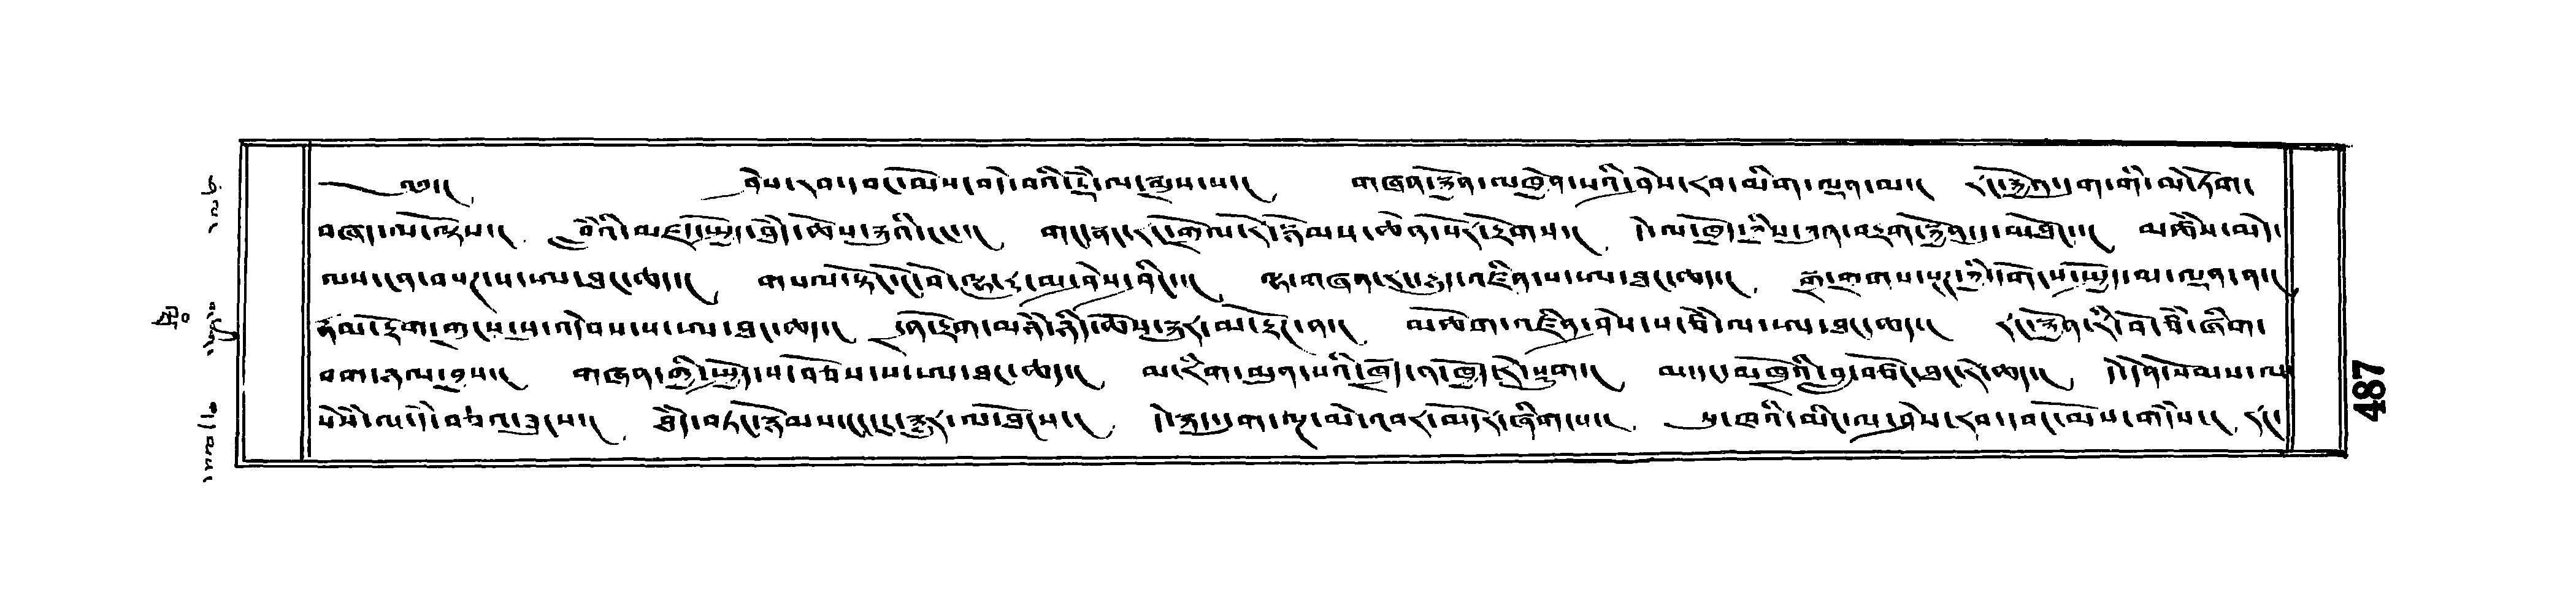༈ ཤེས་རབ་དབང་མོས་བདེ་བའི་རྡོ་རྗེ་ལ་སྨྲས་པ། །གཞན་སྐྱོན་མཁྱེན་པའི་ཤེས་རབ་མིག་ལྡན་མ། །རང་སྐྱོན་དུག་གིས་མེ་ཏོག་
བཞད་ལ་ལྟོས། །བླ་མའི་མཛད་སྤྱོད་ཐམས་ཅད་ཆོས་སྐུའི་ངང་། །གང་སྣང་རང་གྲོལ་རོ་སྙོམས་ཆེན་པོར་རྟོགས། །དེ་ལ་ཁྱེད་ཀྱིས་ཀུན་བརྟགས་སྐྱོན་དུ་མཐོང་། །མཚམས་མེད་
ལས་ངན་བསགས་པ་ཨ་ཐང་ཆད། །གསལ་སྟོང་ངོ་བོ་ལྷ་རུ་མ་ཤེས་ཤིང་། །ལྷ་གཞན་རང་རྒྱུད་འཛིན་པ་ཨ་ཐང་ཆད། །སྒྲ་གྲགས་སྔགས་ཀྱི་དགོངས་སྤྱོད་མ་ལྡན་ན། །
རྣམ་རྟོག་གྲངས་སུ་འདེབས་པ་ཨ་ཐང་ཆད། །དྲན་རྟོག་མཉམ་ཉིད་ཆོས་སྐུར་མ་རྟོགས་ན། །མཆོག་འཛིན་ཤེས་པ་ཙམ་ལ་ཨ་ཐང་ཆད། །རང་སྐྱོན་རི་བོ་ཙམ་ཞིག་
བག་ཉལ་བྱས། །གཞན་གྱི་སྤྱོད་པ་བཅོས་པ་ཨ་ཐང་ཆད། །མ་རིག་མུན་པའི་ཁྲོད་ན་ཁྱོད་རེ་སྡུག །མ་དང་མཁའ་འགྲོའི་བླ་བཙོང་ཐང་རེ་ཆད། །དེ་དོན་སོམས་ལ་སེམས་ལ་
དམ་བཅའ་ཟུངས། །ཐམས་ཅད་བཏང་སྙོམས་ངང་དུ་སྐྱུར་ལ་ཐོངས། །དེ་སྐད་དུག་ལྔ་མེ་འབར་མདོར་ཞིག་པ། །སུ་ཁའི་མིང་ལ་ཤེས་རབ་དབང་མོས་གདམས། །རང་